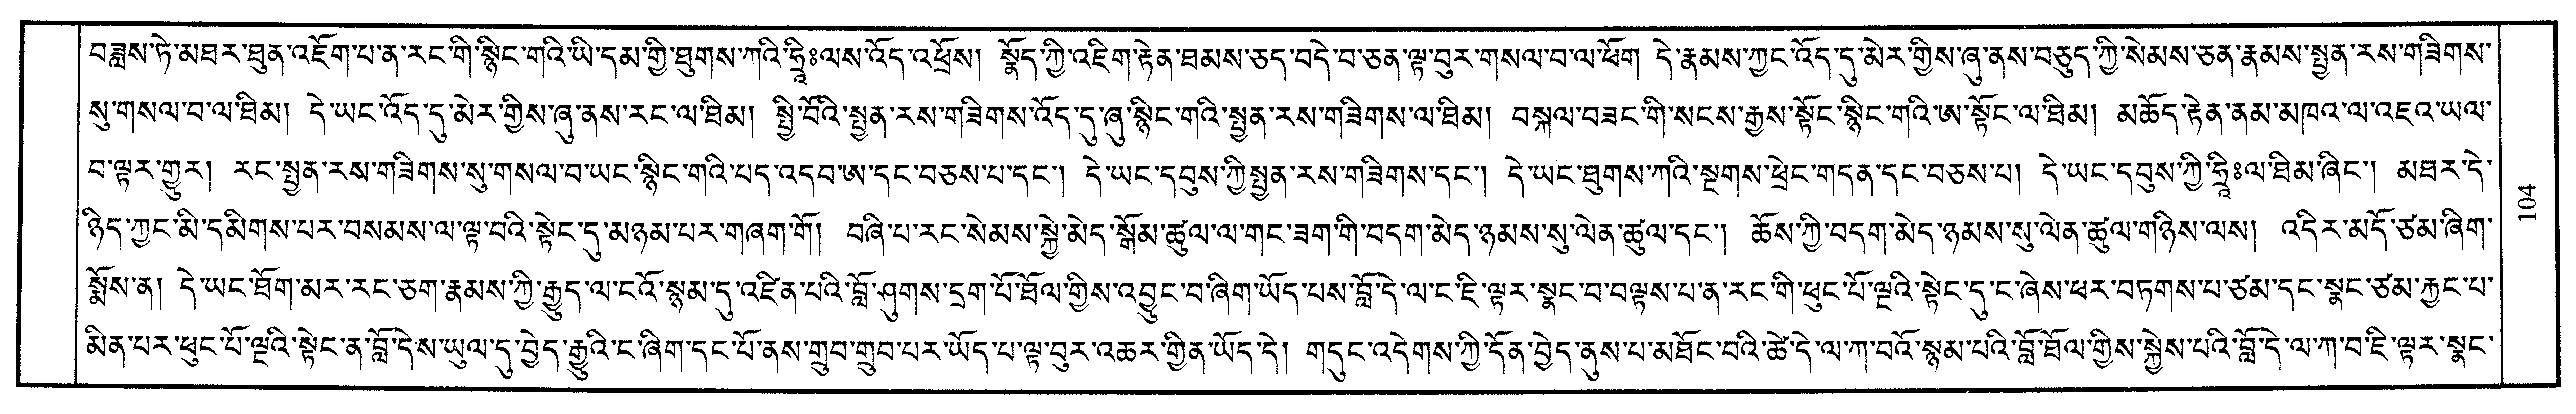བཟླས་ཏེ་མཐར་ཐུན་འཇོག་པ་ན་རང་གི་སྙིང་གའི་ཡི་དམ་གྱི་ཐུགས་ཀའི་ཧྲཱིཿ ལས་འོད་འཕྲོས། སྣོད་ཀྱི་འཇིག་རྟེན་ཐམས་ཅད་བདེ་བ་ཅན་ལྟ་བུར་གསལ་བ་ལ་ཕོག་དེ་རྣམས་ཀྱང་འོད་དུ་མེར་གྱིས་ཞུ་ནས་བཅུད་ཀྱི་སེམས་ཅན་རྣམས་སྤྱན་རས་གཟིགས་
སུ་གསལ་བ་ལ་ཐིམ། དེ་ཡང་འོད་དུ་མེར་གྱིས་ཞུ་ནས་རང་ལ་ཐིམ། སྤྱི་བོའི་སྤྱན་རས་གཟིགས་འོད་དུ་ཞུ་སྙིང་གའི་སྤྱན་རས་གཟིགས་ལ་ཐིམ། བསྐལ་བཟང་གི་སངས་རྒྱས་སྟོང་སྙིང་གའི་ཨ་སྟོང་ལ་ཐིམ། མཆོད་རྟེན་ནམ་མཁའ་ལ་འཇའ་ཡལ་
བ་ལྟར་གྱུར། རང་སྤྱན་རས་གཟིགས་སུ་གསལ་བ་ཡང་སྙིང་གའི་པད་འདབ་ཨ་དང་བཅས་པ་དང་། དེ་ཡང་དབུས་ཀྱི་སྤྱན་རས་གཟིགས་དང་། དེ་ཡང་ཐུགས་ཀའི་སྔགས་ཕྲེང་གདན་དང་བཅས་པ། དེ་ཡང་དབུས་ཀྱི་ཧྲཱིཿ ལ་ཐིམ་ཞིང་། མཐར་དེ་
ཉིད་ཀྱང་མི་དམིགས་པར་བསམས་ལ་ལྟ་བའི་སྟེང་དུ་མཉམ་པར་གཞག་གོ །བཞི་པ་རང་སེམས་སྐྱེ་མེད་སྒོམ་ཚུལ་ལ་གང་ཟག་གི་བདག་མེད་ཉམས་སུ་ལེན་ཚུལ་དང་། ཆོས་ཀྱི་བདག་མེད་ཉམས་སུ་ལེན་ཚུལ་གཉིས་ལས། འདིར་མདོ་ཙམ་ཞིག་
སྨོས་ན། དེ་ཡང་ཐོག་མར་རང་ཅག་རྣམས་ཀྱི་རྒྱུད་ལ་ངའོ་སྙམ་དུ་འཛིན་པའི་བློ་ཤུགས་དྲག་པོ་ཐོལ་གྱིས་འབྱུང་བ་ཞིག་ཡོད་པས་བློ་དེ་ལ་ང་ཇི་ལྟར་སྣང་བ་བལྟས་པ་ན་རང་གི་ཕུང་པོ་ལྔའི་སྟེང་དུ་ང་ཞེས་ཕར་བཏགས་པ་ཙམ་དང་སྣང་ཙམ་རྐྱང་པ་
མིན་པར་ཕུང་པོ་ལྔའི་སྟེང་ན་བློ་དེས་ཡུལ་དུ་བྱེད་རྒྱུའི་ང་ཞིག་དང་པོ་ནས་གྲུབ་གྲུབ་པར་ཡོད་པ་ལྟ་བུར་འཆར་གྱིན་ཡོད་དེ། གདུང་འདེགས་ཀྱི་དོན་བྱེད་ནུས་པ་མཐོང་བའི་ཚེ་དེ་ལ་ཀ་བའོ་སྙམ་པའི་བློ་ཐོལ་གྱིས་སྐྱེས་པའི་བློ་དེ་ལ་ཀ་བ་ཇི་ལྟར་སྣང་